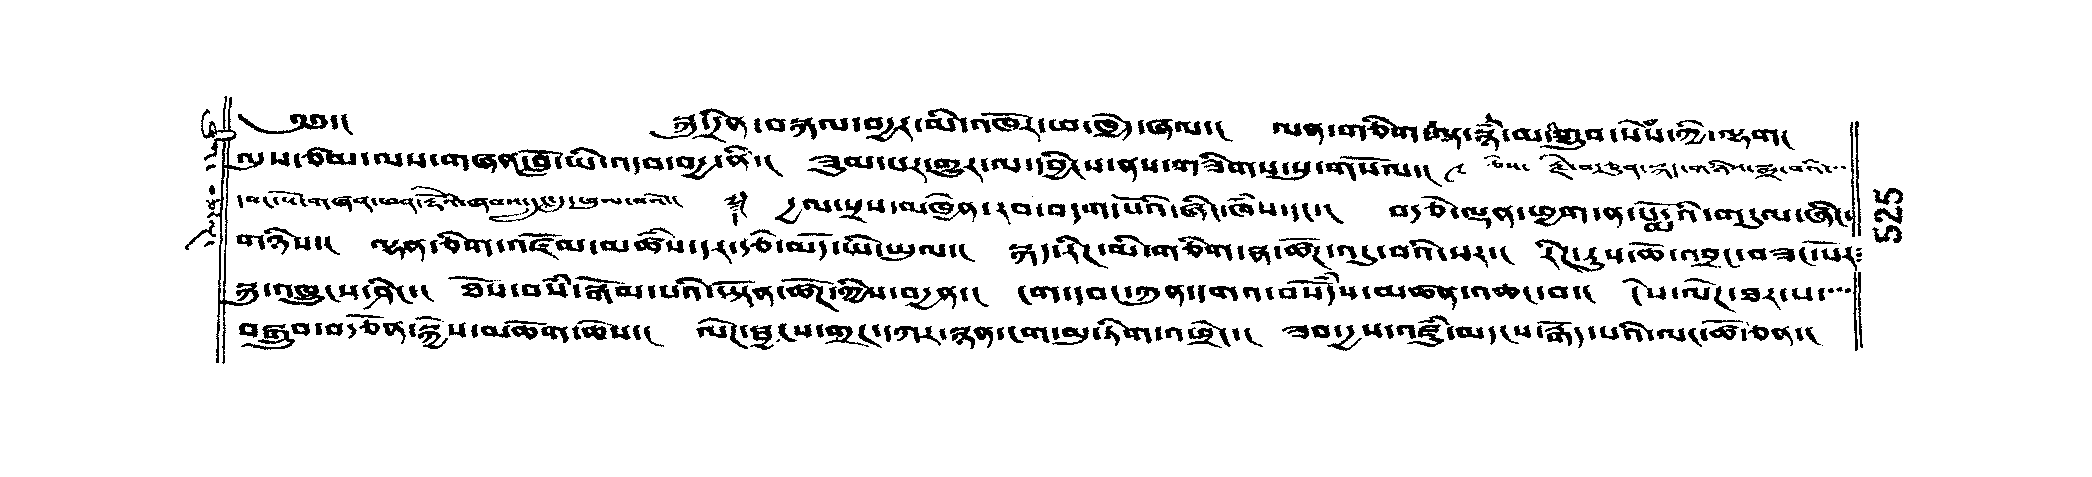།སྐུ་དྲིན་བསྐལ་བརྒྱར་མི་འཁོར་ཕ་ཁྱེད་ཞལ། །ལན་ཅིག་བལྟ་སྙམ་མ་འགྲུབ་སེམས་ཀྱི་ལྷག །
ལུས་ཙམ་ལས་གཞན་བློ་ཡི་འདབ་བརྒྱ་ནི། །ཟུམ་པར་གྱུར་ལ་དབྱིངས་ནས་གཟིགས་སུ་གསོལ། ༩ ཅཞས་རྗེ་བཙུན་སྐད་གཉིས་སྨྲ་བའི་
དབང་པོ་གཞན་ཕན་རྡོ་རྗེའི་ཞབས་དྲུང་དུ་ཕུལ་བའོ།། ༈ རྒྱལ་སྲས་མཁྱེན་རབ་བདག་པོའི་ཞིང་ཁམས་དང་། །བརྩེ་ལྡན་ཕྱག་ན་པདྨོའི་གདུལ་ཞིང་
གཉིས། །ལྷན་ཅིག་འཛོམ་མཚམས་དར་རྩེ་མདོ་ཡི་ཡུལ། །སྐད་རིགས་མི་གཅིག་སྣ་ཚོགས་འདུ་བའི་སར། །རིགས་རུས་ཆོ་འབྲང་བཟང་པོར་
སྐུ་འཁྲུངས་ཤིང་། །ཐོས་བསམ་སྒོམ་པའི་ཡོན་ཏན་ཚོགས་ཀྱིས་བརྒྱན། །ངག་དབང་ཀུན་དགའ་བསོད་ནམས་མཚན་འཆང་བ། །ངེས་ལེགས་ཐར་པ་
བསྒྲུབ་བརྩོན་སྐྱེས་མཆོག་ཆེས། །ལེགས་སྦྱངས་གྲགས་དཀར་སྙན་ངག་མུ་ཏིག་འཕྲེང་། །ཟབ་རྒྱས་འཛུམ་མདངས་རྒོད་པའི་ལང་ཚོ་ཅན།